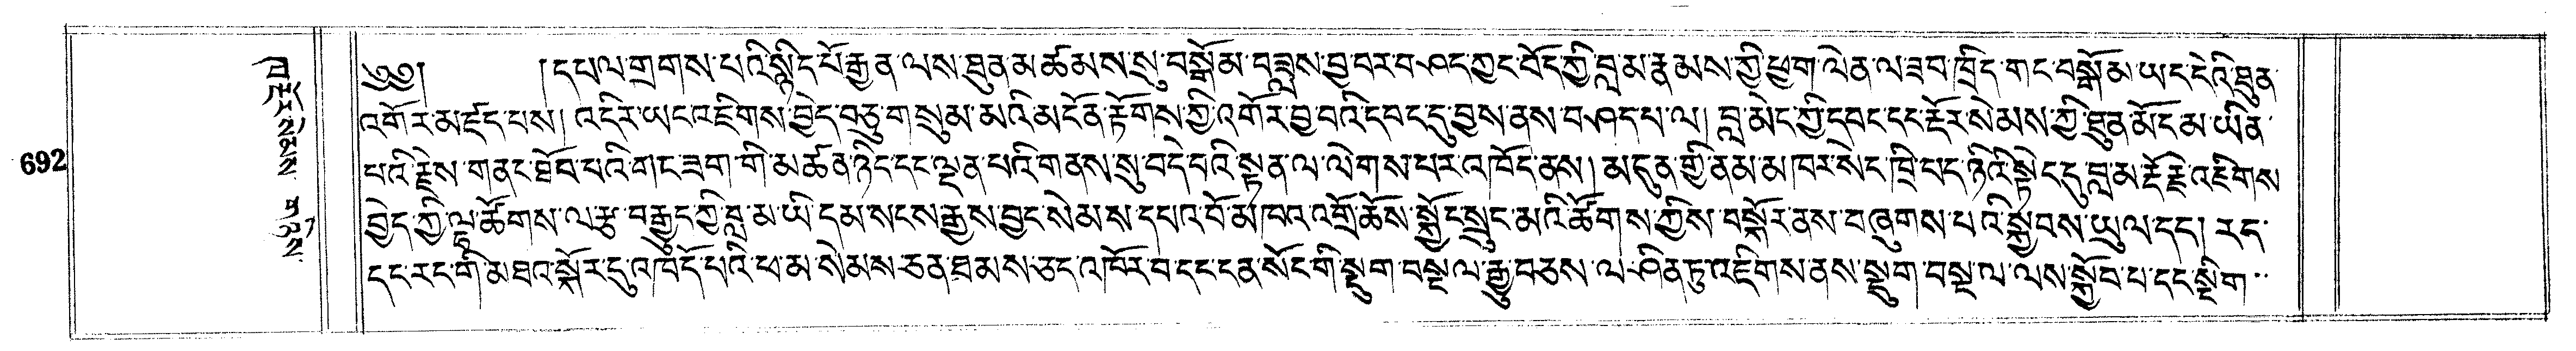༄༅། །དཔལ་གྲགས་པའི་སྙིང་པོ་རྒྱན་ལས་ཐུན་མཚམས་སུ་བསྒོམ་བཟླས་བྱ་བར་བཤད་ཀྱང་བོད་ཀྱི་བླ་མ་རྣམས་ཀྱི་ཕྱག་ལེན་ལ་ཟབ་ཁྲིད་གང་བསྒོམ་ཡང་དེའི་ཐུན་
འགོར་མཛད་པས། འདིར་ཡང་འཇིགས་བྱེད་བཅུ་གསུམ་མའི་མངོན་རྟོགས་ཀྱི་འགོར་བྱ་བའི་དབང་དུ་བྱས་ནས་བཤད་པ་ལ། བླ་མེད་ཀྱི་དབང་དང་རྡོར་སེམས་ཀྱི་ཐུན་མོང་མ་ཡིན་
པའི་རྗེས་གནང་ཐོབ་པའི་གང་ཟག་གི་མཚན་ཉིད་དང་ལྡན་པའི་གནས་སུ་བདེ་བའི་སྟན་ལ་ལེགས་པར་འཁོད་ནས། མདུན་གྱི་ནམ་མཁར་སེང་ཁྲི་པད་ཉིའི་སྟེང་དུ་བླ་མ་རྡོ་རྗེ་འཇིགས་
བྱེད་ཀྱི་ལྷ་ཚོགས་ལ་རྩ་བརྒྱུད་ཀྱི་བླ་མ་ཡི་དམ་སངས་རྒྱས་བྱང་སེམས་དཔའ་བོ་མཁའ་འགྲོ་ཆོས་སྐྱོང་སྲུང་མའི་ཚོགས་ཀྱིས་བསྐོར་ནས་བཞུགས་པའི་སྐྱབས་ཡུལ་དང་། རང་
དང་རང་གི་མཐའ་སྐོར་དུ་འཁོད་པའི་ཕ་མ་སེམས་ཅན་ཐམས་ཅད་འཁོར་བ་དང་ངན་སོང་གི་སྡུག་བསྔལ་རྒྱུ་བཅས་ལ་ཤིན་ཏུ་འཇིགས་ནས་སྡུག་བསྔལ་ལས་སྐྱོབ་པ་དང་སྡིག་